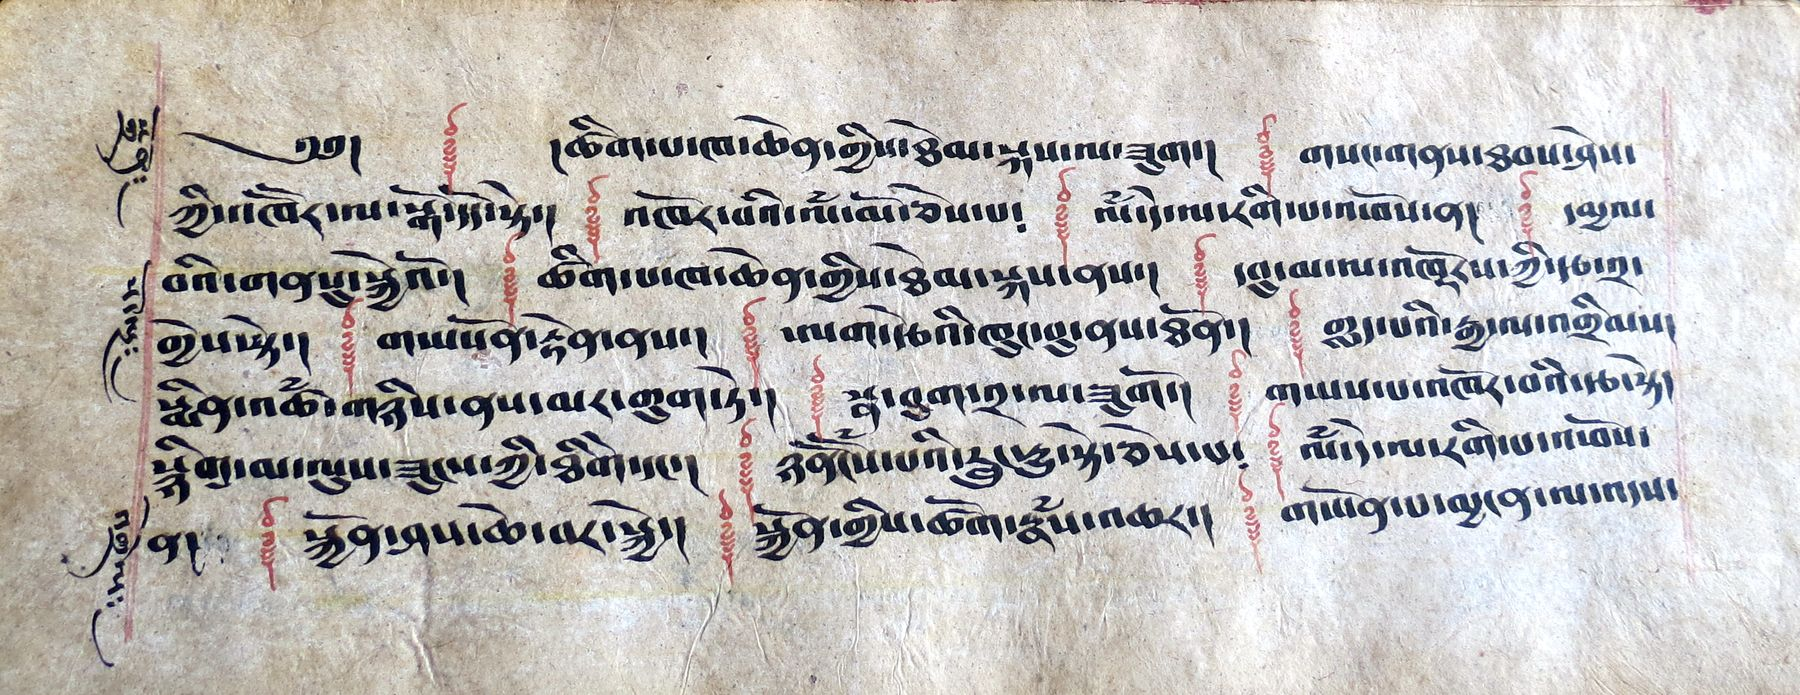ཚིགས་པ་ཁ་ཆེན་གྱི་ཐེམ་སྐས་ལ་ཟུག གསང་གནས་ཐབས་ཤེས་
ཀྱི་འཁོར་ལོ་ལ་སྒོ་དོད་དེ། འཁོར་བའི་ལམ་མོ། །ཞེས་པས། ལམ་དེ་ལས་རིག་པ་འཕོས་ན། དམྱལ་
བའི་གནས་སུ་སྐྱེའོ། །ཚིགས་པ་ཁ་ཆེན་གྱི་ཐེམ་སྐས་ནས། དབུ་མ་ལས་འཁོར་འདས་ཀྱི་རྩ་གཉིས་
གྱེས་ཏེ། གཡས་གཡོན་རྟེན་ནས། ཨག་རྩེའི་ཁུང་བུ་ནས་ཐོན། ཀླད་པའི་རྒྱ་ལ་འགྲིམས། 
སྨིན་མཚམས་གཉིས་ནས་མར་གུག་སྟེ། སྣ་བུག་གཉིས་ལ་ཟུག་གོ། གཡས་པ་འཁོར་བའི་རྩ་སྟེ། 
སྙིགས་མ་ལུས་ཟུངས་ཀྱི་ཐིག་ལེ་དང་། ཉོན་མོངས་པའི་རླུང་རྒྱུ་སྟེ་ཞེས་པས། ལམ་དེ་ལས་རིག་པ་འཕོས་
ན་སྐྱོན་ཤས་ཆེ་བར་སྐྱེ། སྐྱོན་གྱི་ཚོགས་རྣམས་འཆར། གཡོན་པ་མྱ་ངན་ལས་འདས་